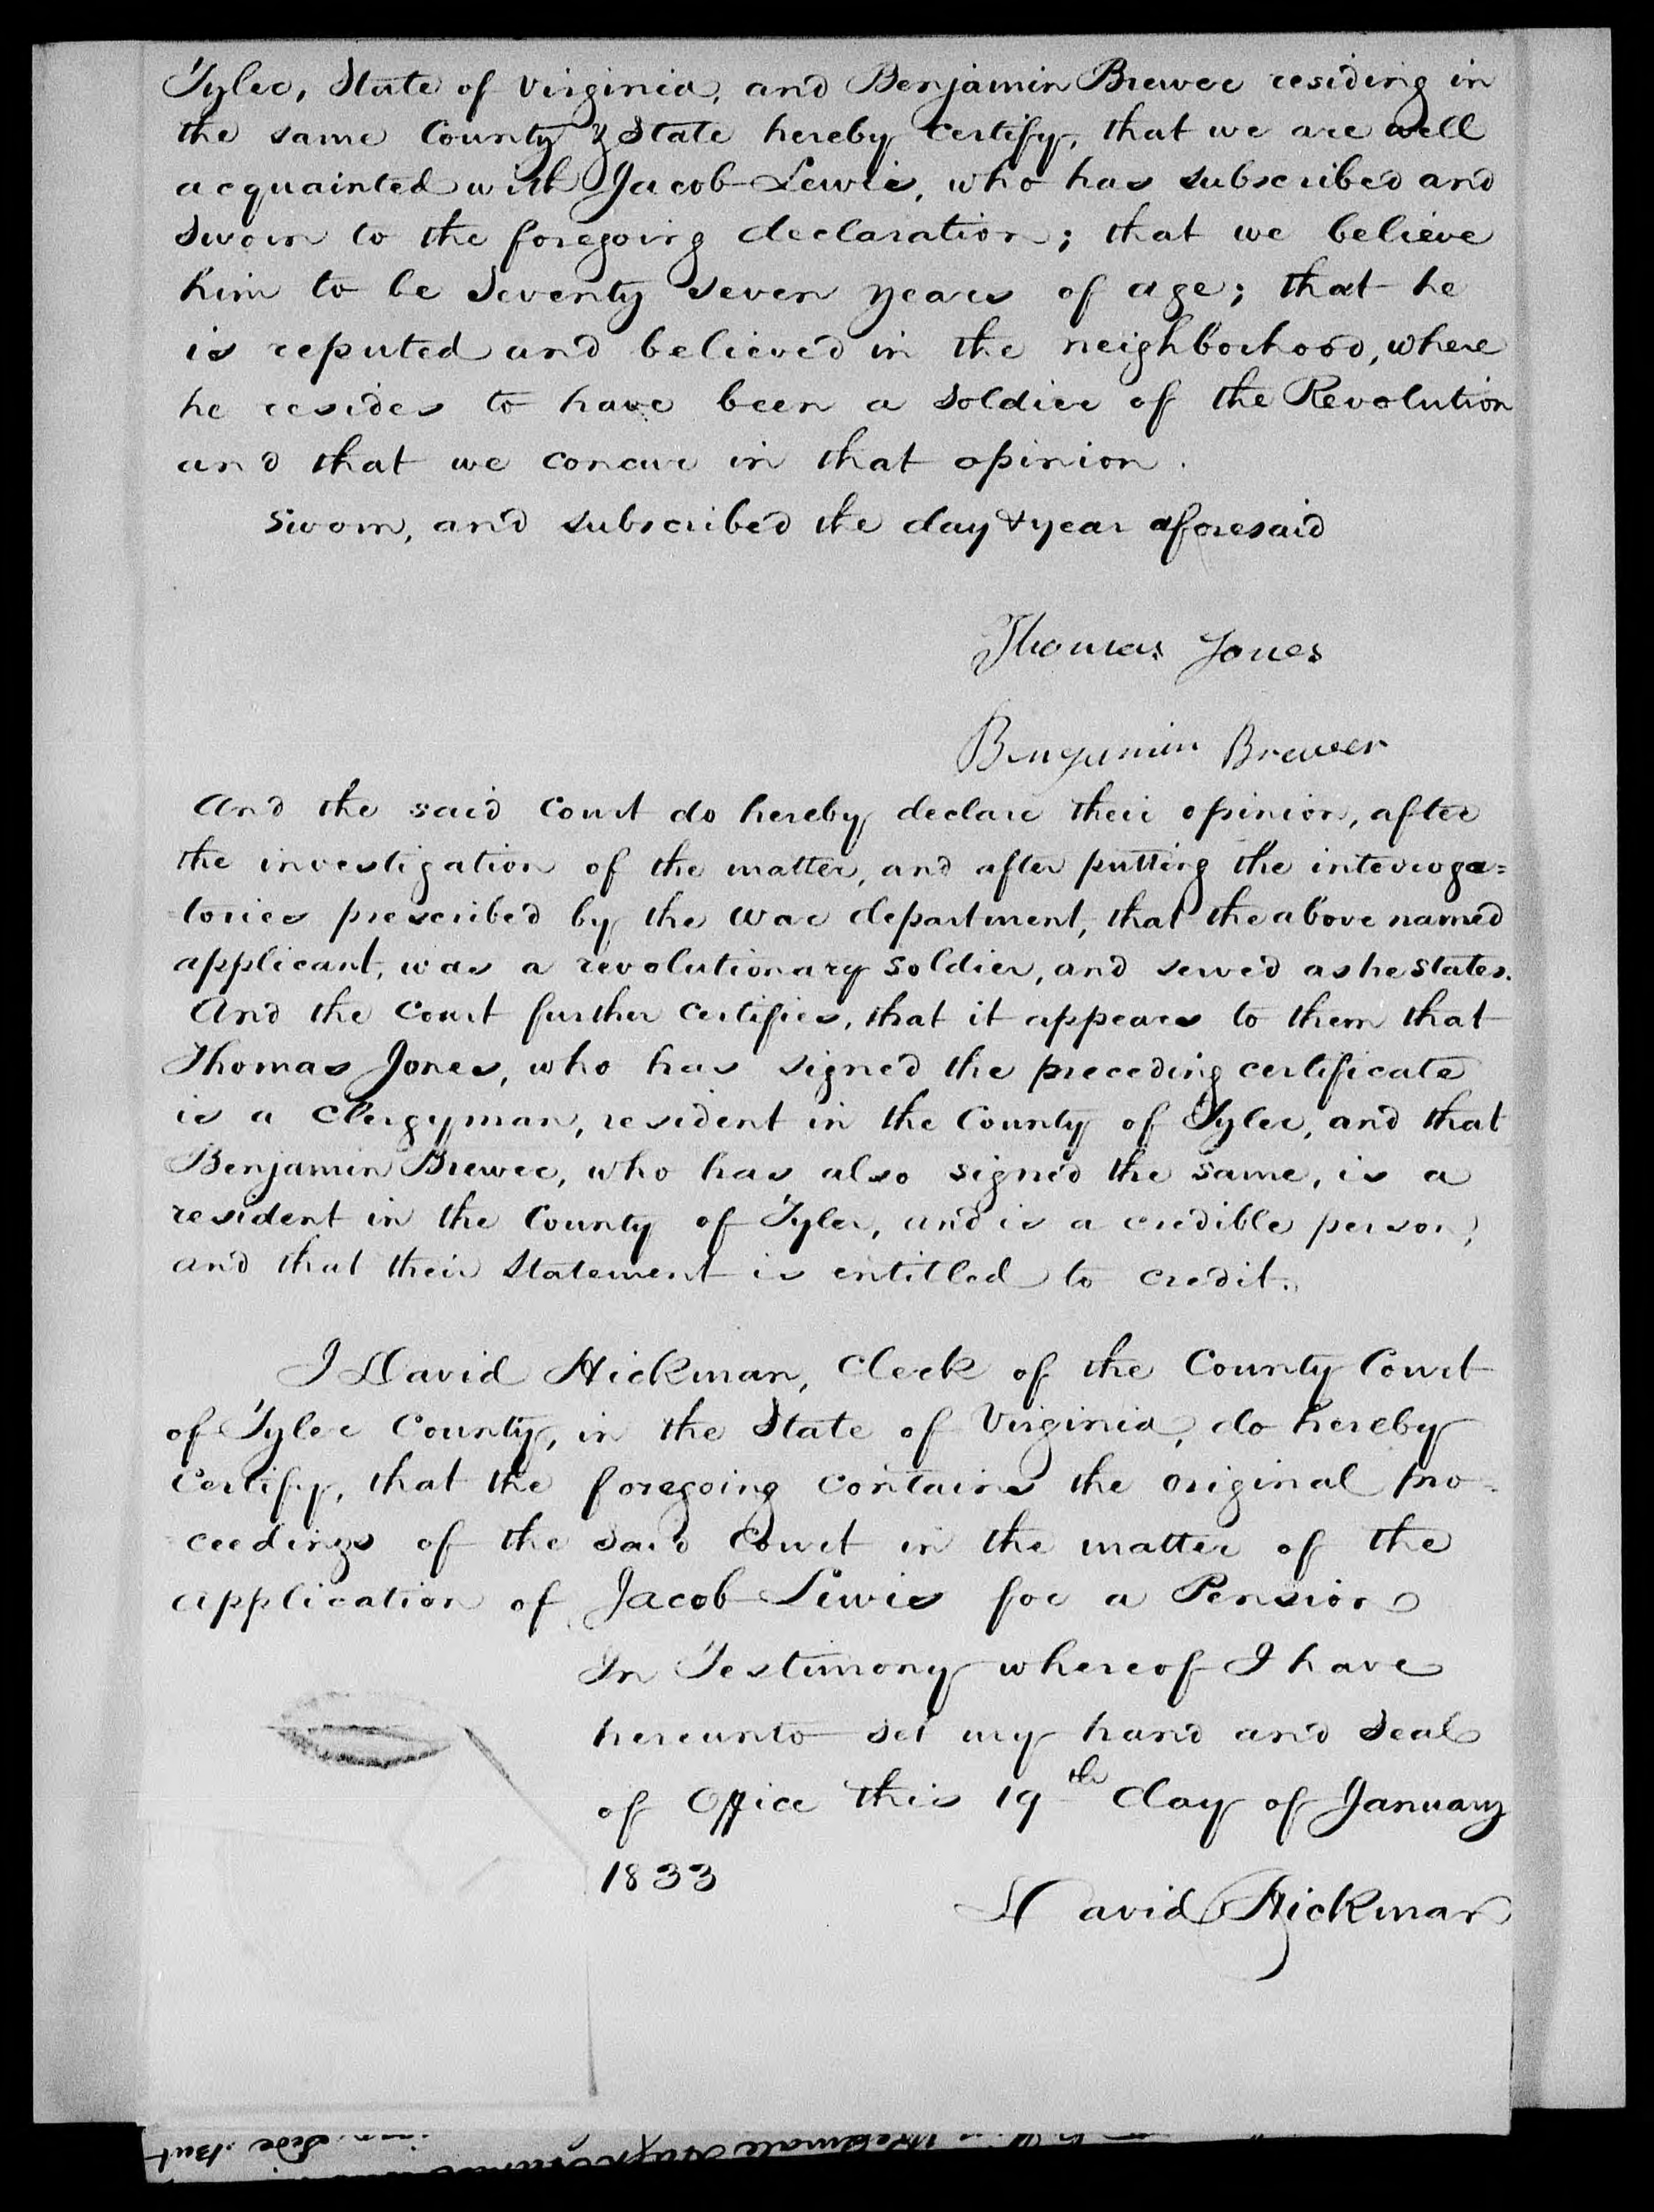Tyler, State of Virginia, and Benjamin Brewer residing in the same County & State hereby certify, that we are well acquainted with Jacob Lewis, who has subscribed and sworn to the foregoing declaration; that we believe him to be Seventy Seven years of age; that he is reputed and believed in the neighborhood, where he resides to have been a soldier of the Revolution and that we concur in that opinion.
Sworn, and subscribed the day & year aforesaid
Thomas Jones
Benjamin Brewer

And the said Court do hereby declare their opinion, after the investigation of the matter, and after putting the interrogatories prescribed by the War department, that the above named applicant, was a revolutionary soldier, and served as he states.  And the Court further certifies, that it appears to them that Thomas Jones, who has signed the preceding certificate is a clergyman, resident in the County of Tyler, and that Benjamin Brewer, who has also signed the same, is a resident in the County of Tyler, and is a credible person; and that their statement is entitled to credit.

I David Hickman, Clerk of the County Court of Tyler County, in the State of Virginia, do hereby certify, that the foregoing contains the original proceedings of the said Court in the matter of the application of Jacob Lewis for a Pension
In Testimony whereof I have hereunto set my hand and Seal of Office this 19th day of January 1833
David Hickman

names: Thomas Jones; David Hickman; Benjamin Brewer; Jacob Lewis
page: 11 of 69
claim: widow's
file: W 8044, for Jacob Lewis, Virginia